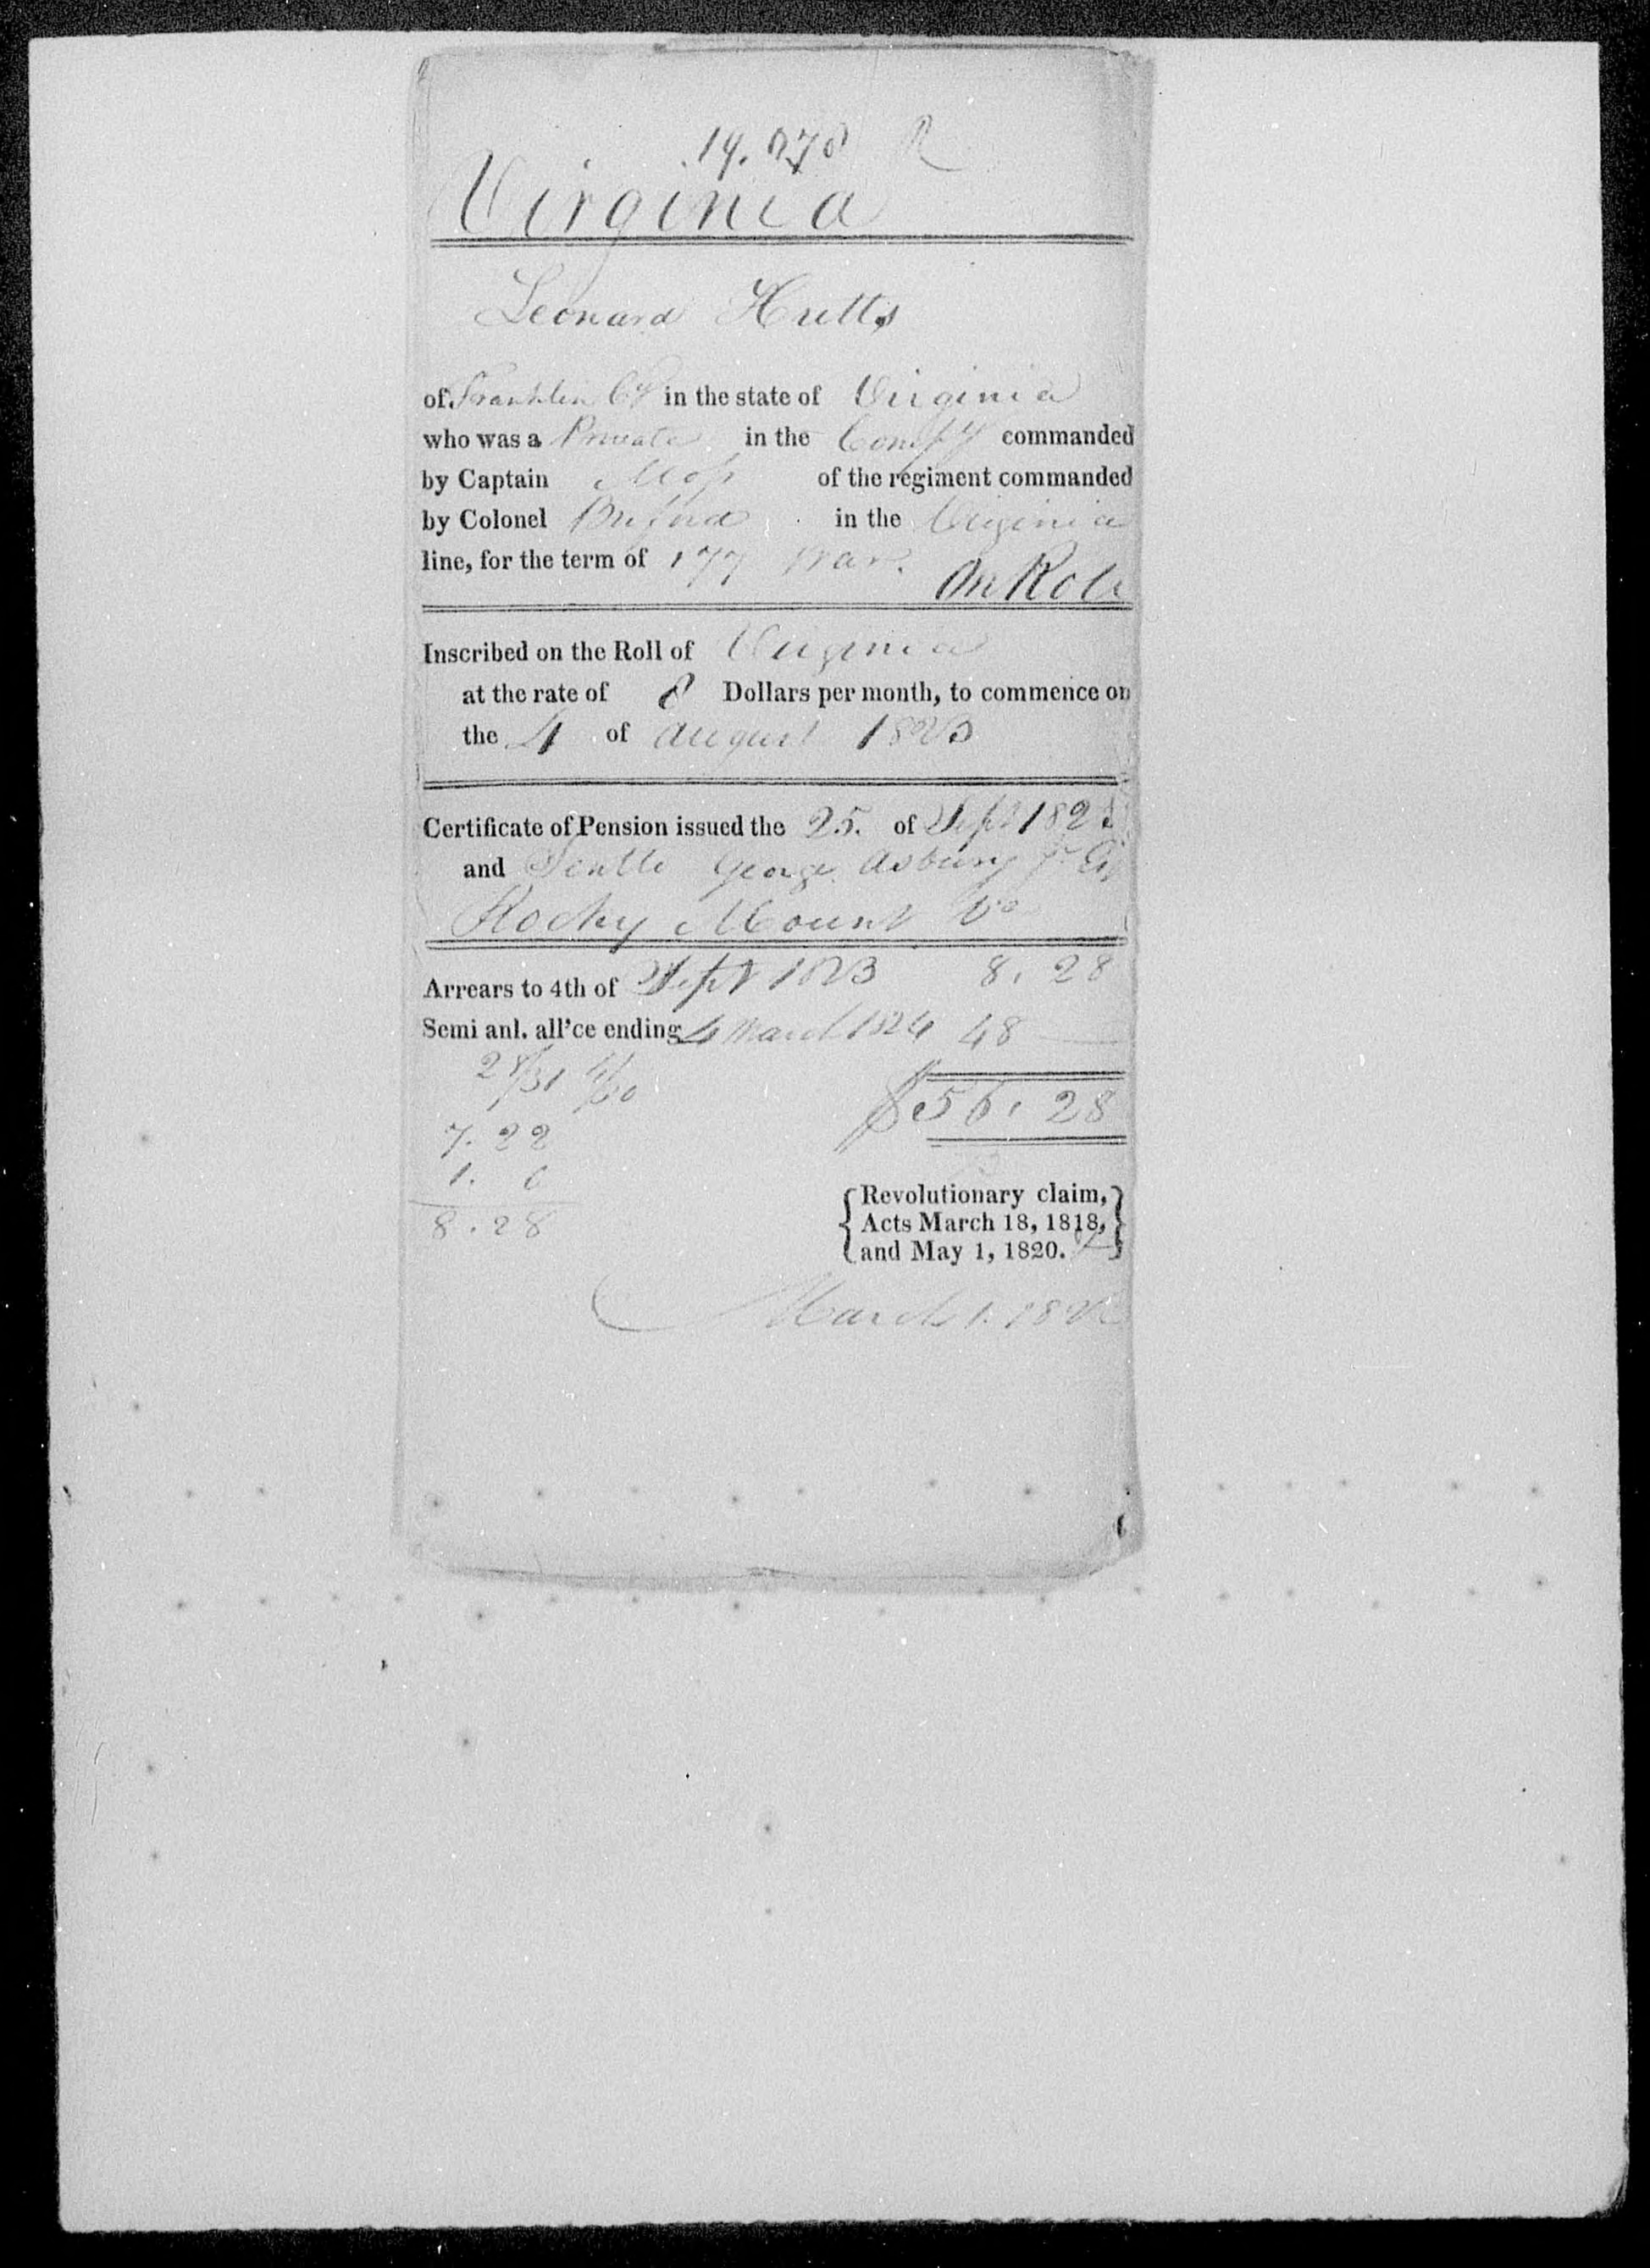[typed form, with handwritten responses]
14.070
Virginia

Leonard Hutts

of Franklin Cy. in the State of Virginia
who was a Private in the Company commanded
by Captain Moss of the regiment commanded
by Colonel Buford in the Virginia
line for the term of ‘77 was On Roll

Inscribed on the Roll of Virginia
at the rate of 8 Dollars per month, to commence on 
the 4 of August 1823

Certificate of Pension issued the 25 day of Sept. 1823
and Sent to George Asbury J.P.
Rocky Mount Va

Arrears to the 4th of Sept. 1823 8.28
Semi anl. all’ce [allowance] ending 4 Mar 1826 48-
$56.28
28/31 4/30  7.22  1.06 8.28

{Revolutionary Claim,}
{Acts March 18, 1818}
{and May 1, 1820}
March 1, 182[Illegible]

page: 2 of 33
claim: widow's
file: W. 550, for Leonard Hutts, Virginia